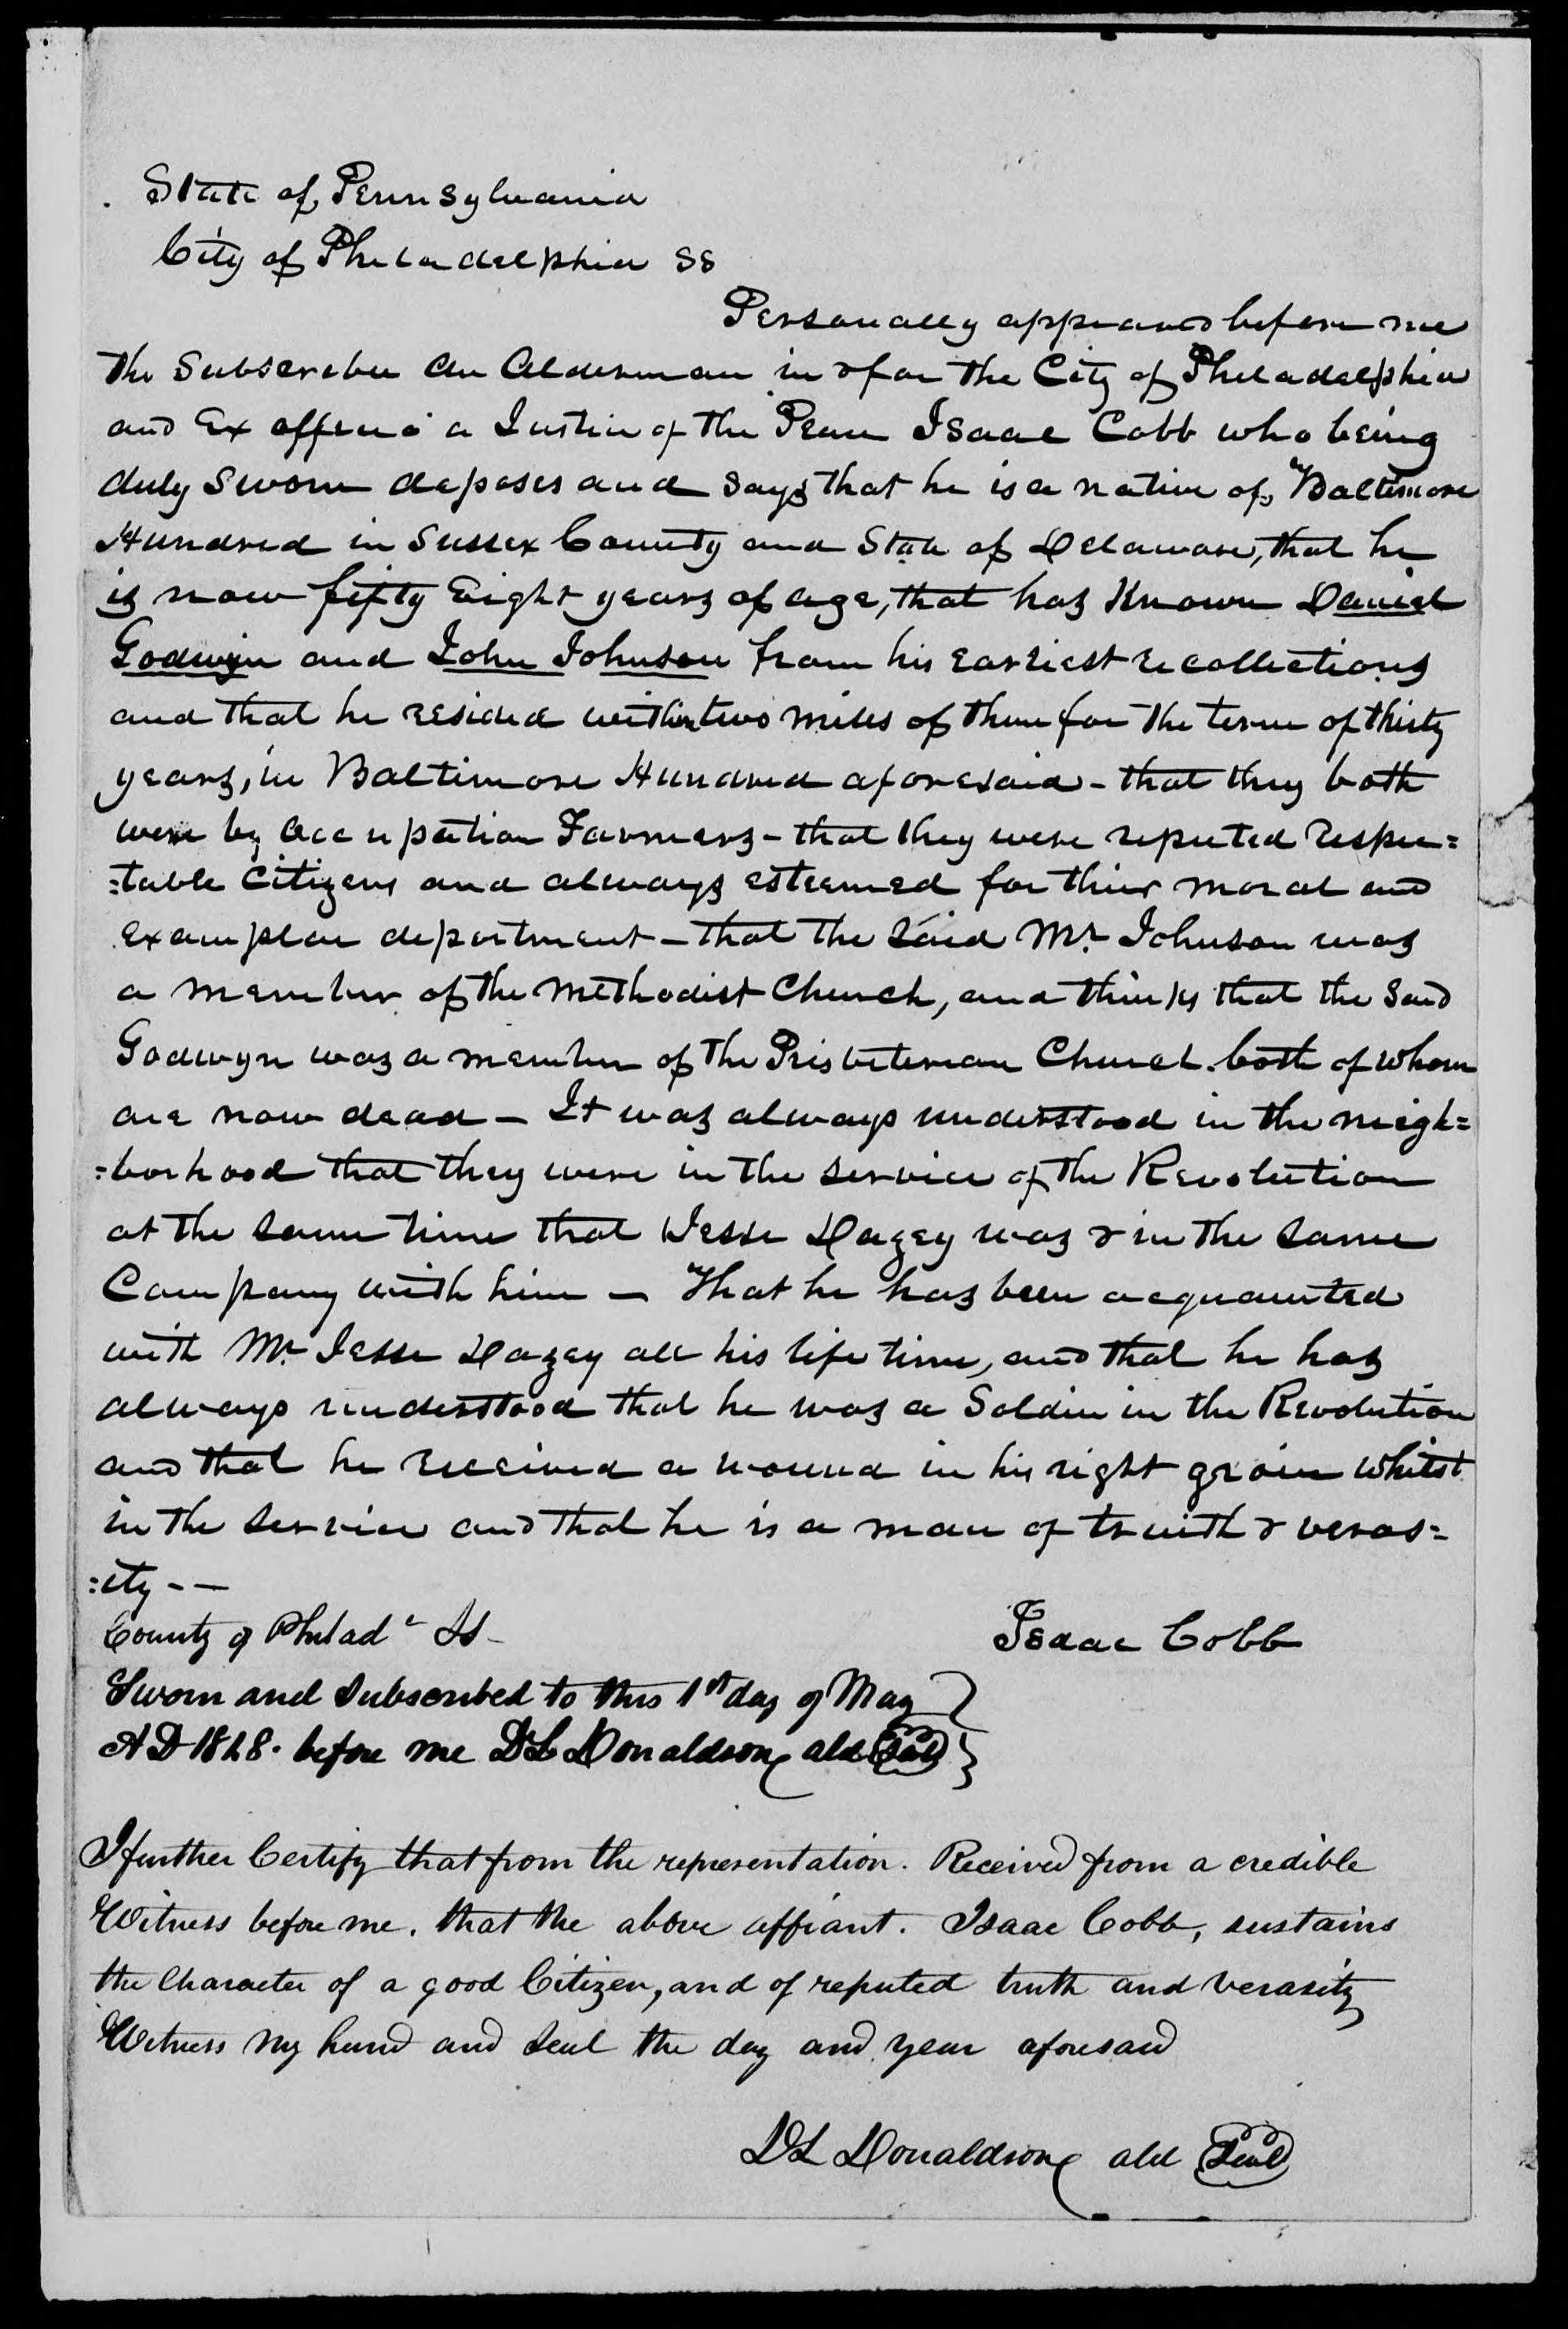State of Pennsylvania
City of Philadelphia ss
                               Personally appeared before me the subscriber an Alderman in & for the City of Philadelphia and ex officer a Justice of the Peace Isaac Cobb who being duly sworn deposes and says that he is a native of Baltimore Hundred in Sussex County and State of Delaware, that he is now fifty-eight years of age, that has known Daniel Godwin and John Johnson from his earliest recollections, and that he resided within two miles of them for the term of thirty years, in Baltimore Hundred aforesaid--that they both were by occupation Farmers-that they were respected respectable citizens and always esteemed for their moral and exemplar deportment-that the said Mr Johnson was a member of the Methodist Church, and think that the said Godwyn was a member of the Presbyterian Church both of whom are now dead---It was always understood in the neighborhood that they were in the service of the Revolution at the same time that Jesse Dazey was in the same company with him---that he has been acquainted with Mr. Jesse Dazey all his life time, and that he has always understood that he was a soldier in the Revolution and that he received a wound in his right groin whilst in the service and that he is a man of truth& veracity--
County of Philad  IS           Isaac Cobb
Sworn and subscribed to this 1st day of May
AD 1848 before me DL Donaldson ald (seal)

I further certify that from the representation. Received from a credible witness before me, that the above affiant, Isaac Cobb, sustains the character of a good citizen, and of reputed truth and veracity,
Witness my hand and seal the day and year aforesaid
                    DL Donaldson   ald (seal)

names: Isaac Cobb, Daniel Godwyn, D L Donaldson, Jesse Dazey, John Johnson, D L Donaldson, Jesse Dazey, Johnson, Isaac Cobb, Isaac Cobb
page: 13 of 32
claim: rejected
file: R. 2795, Jesse Dazey, Del.